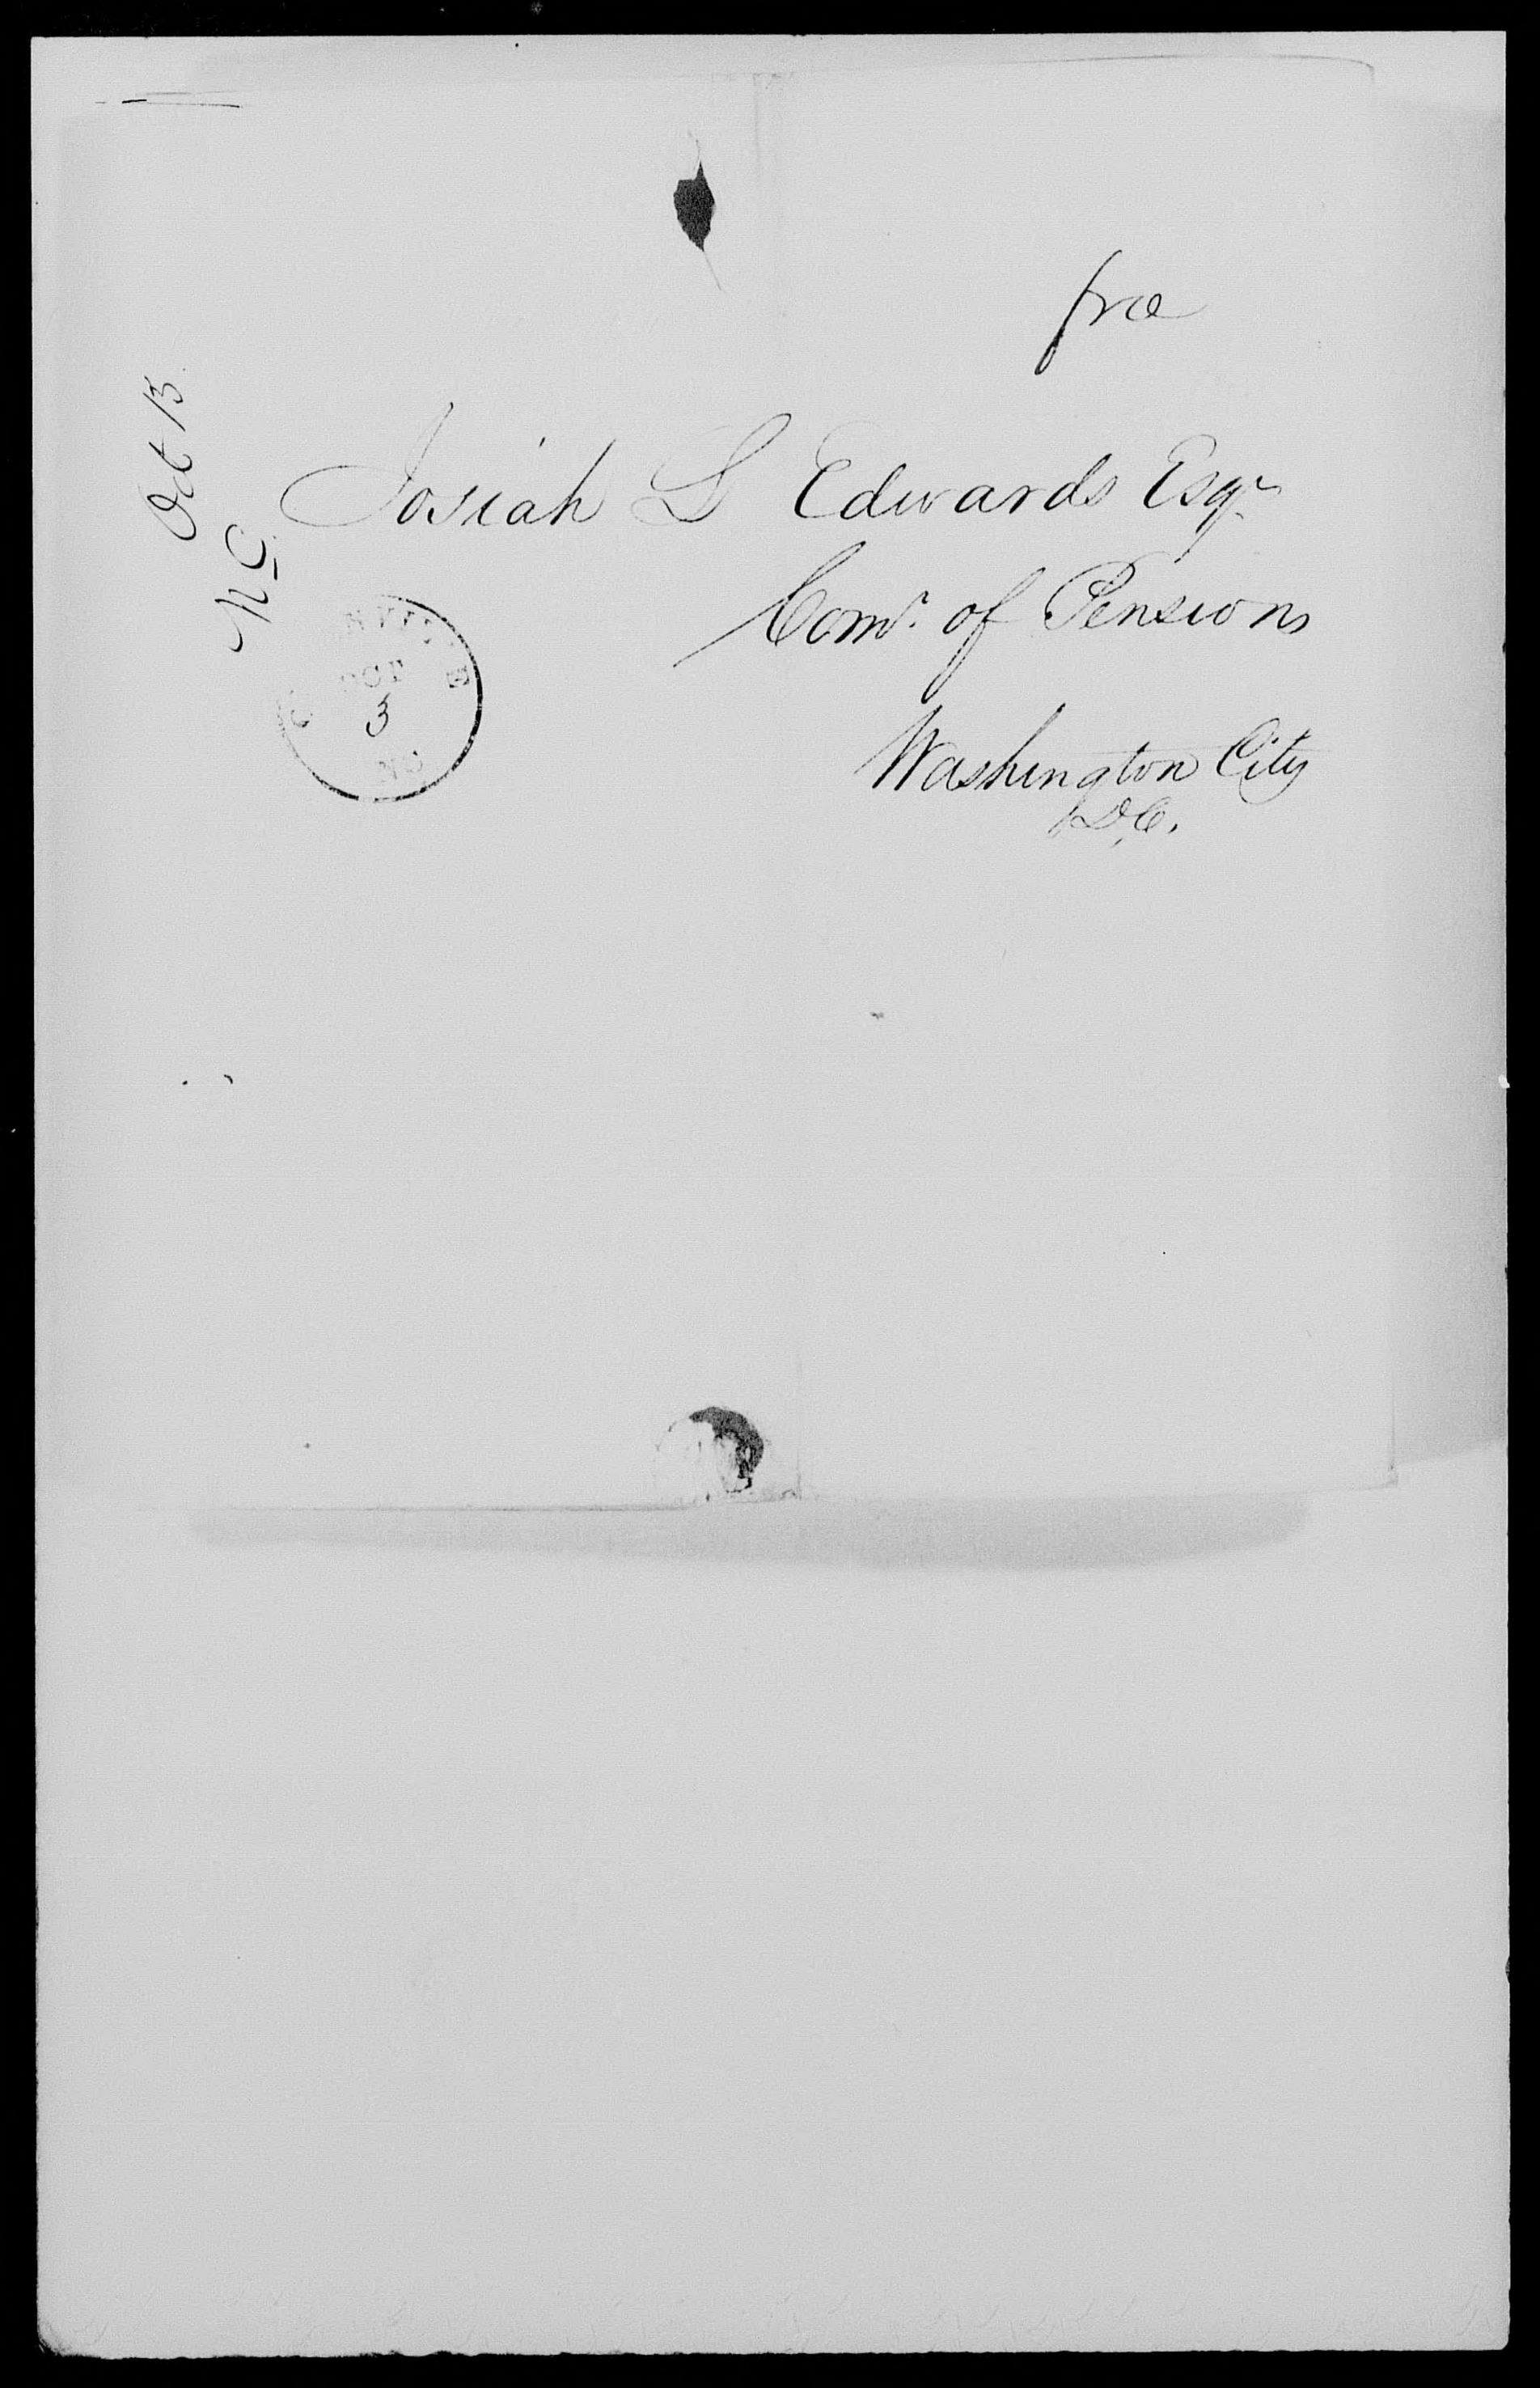free
Josiah L Edwards Esqr.
Comr. of Pensions
Washington City 
D.C.

Oct 15.
NC.

[round stamp:
GREENVILLE NC
OCT 3]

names: Josiah L Edwards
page: 37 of 42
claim: survivor's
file: S. 6579, Henry Barnhill, N. C.